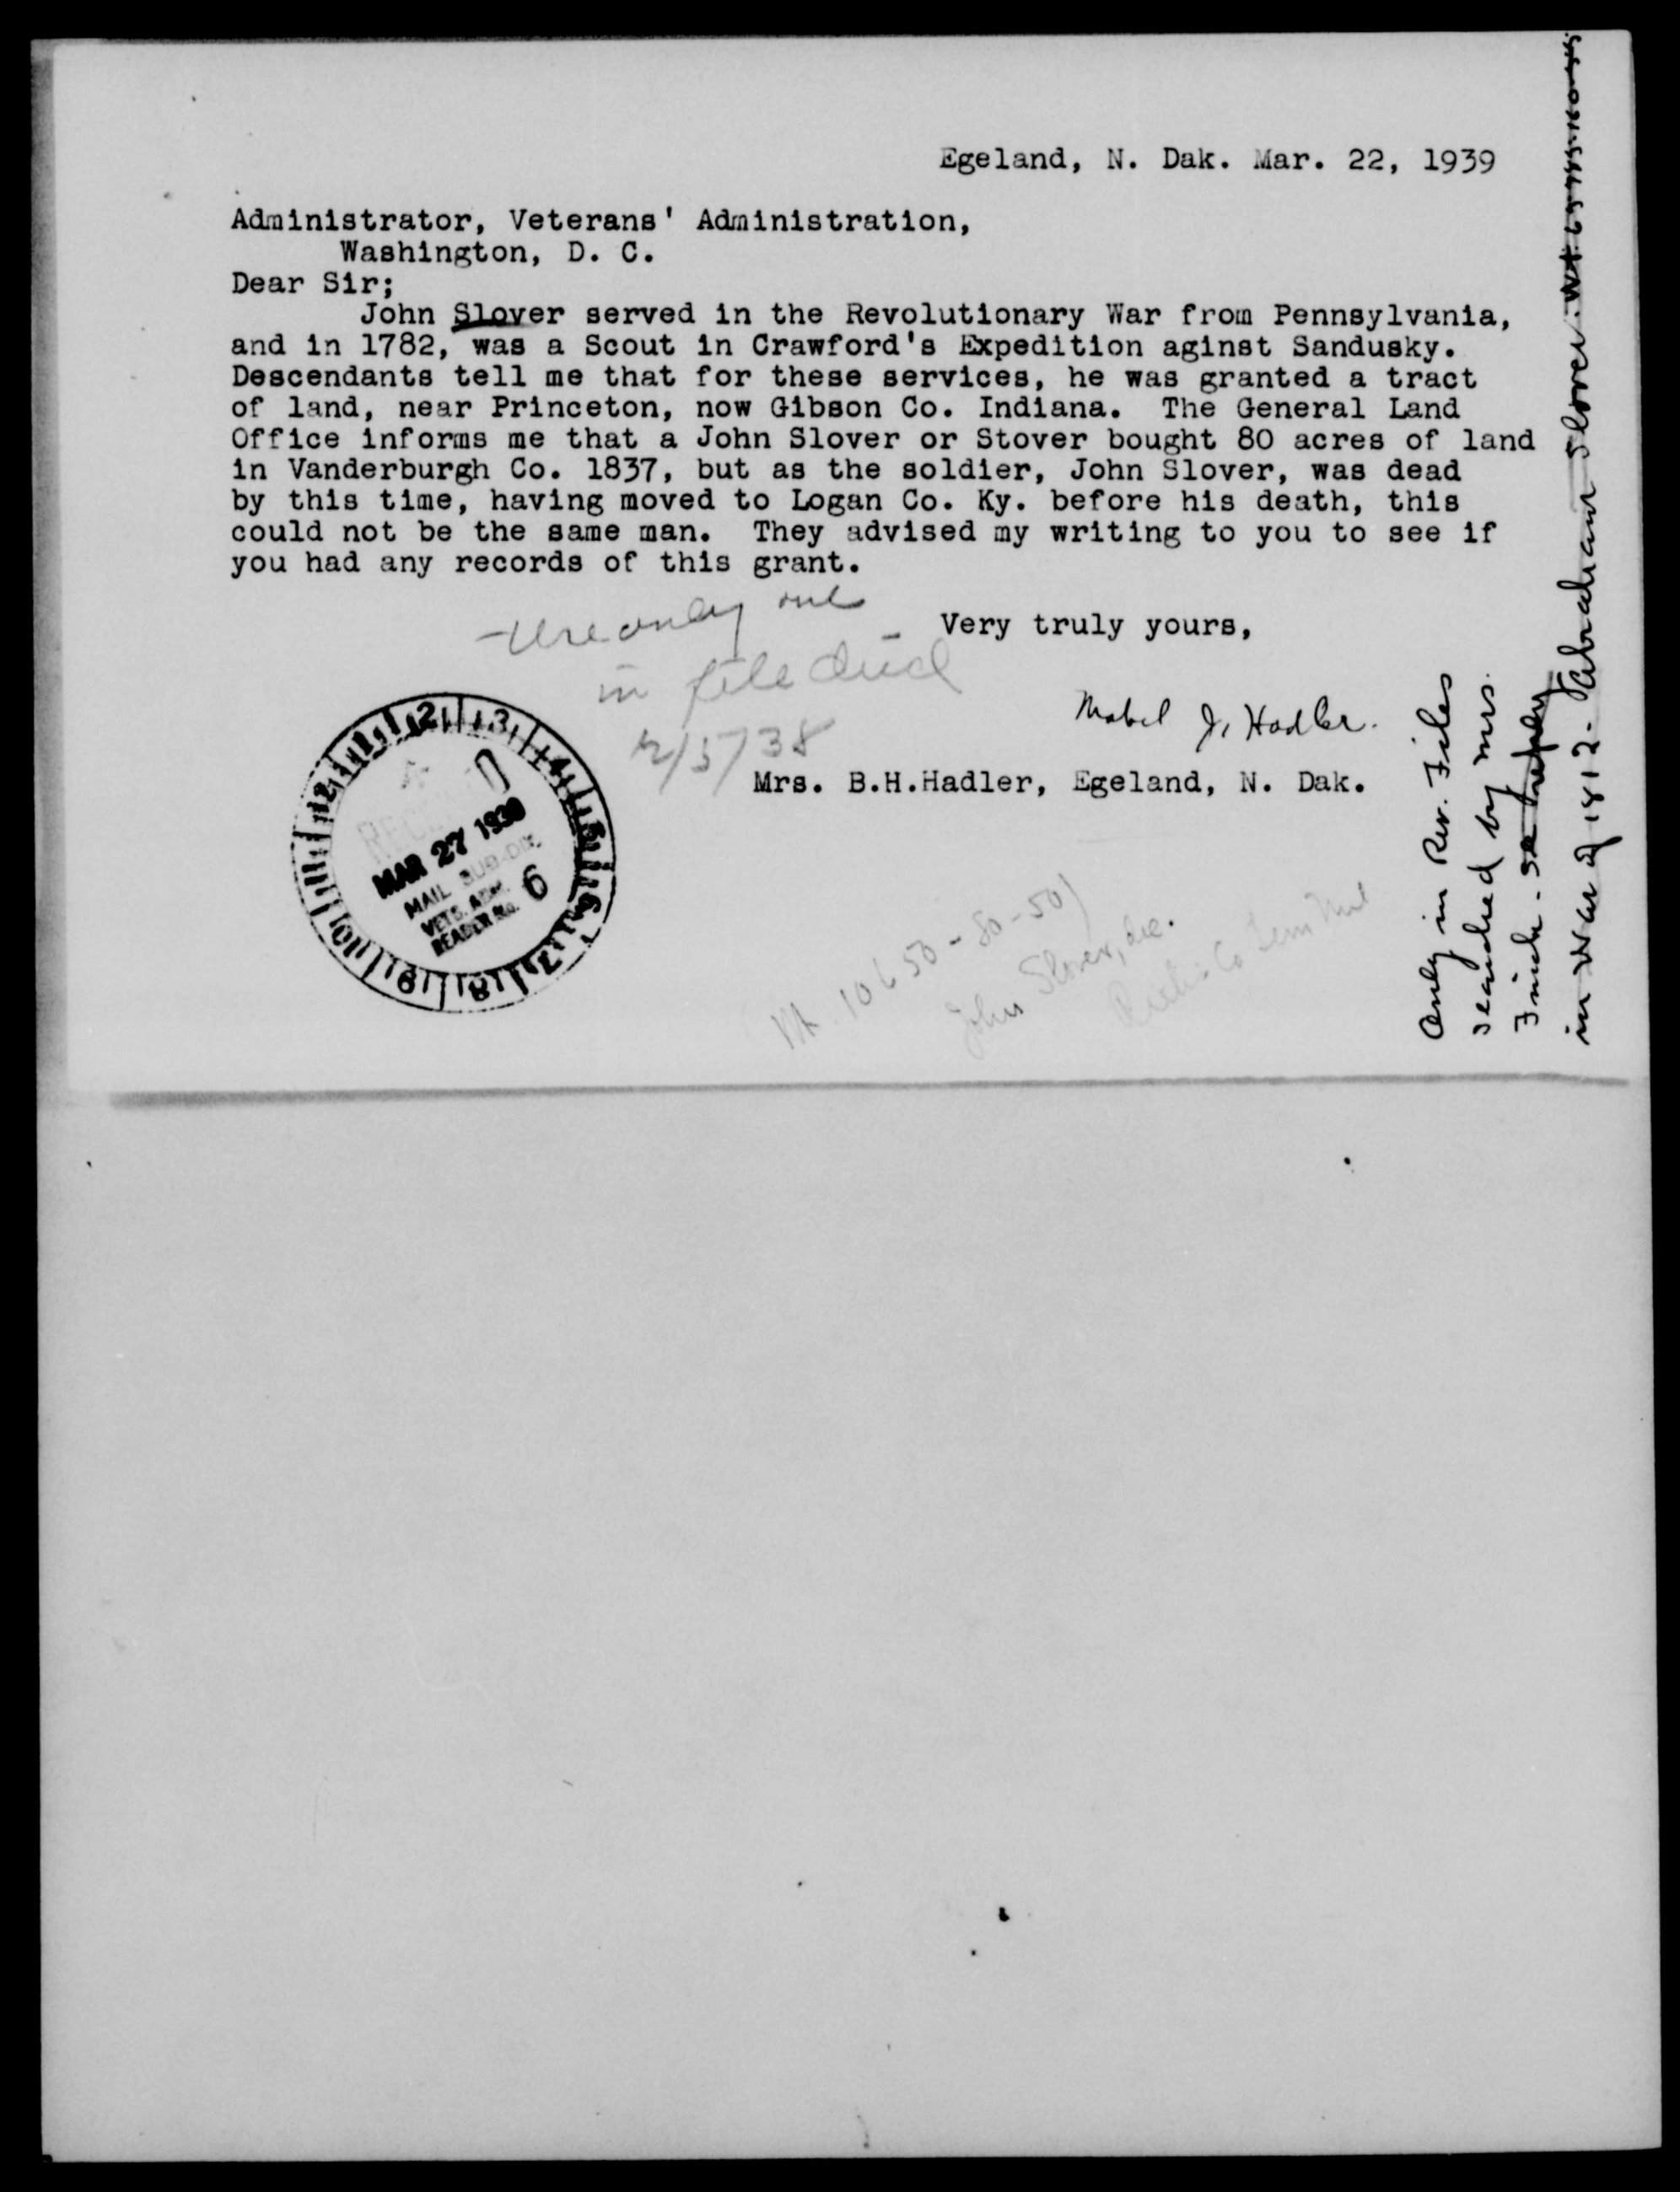Egeland, N. Dak., Mar. 22, 1939

Administrator, Veterans' Administration,
Washington, D.C.

Dear Sir:

John Glover served in the Revolutionary War from Pennsylvania, and in 1782, was a scout in Crawford's Expedition against Sandusky. Descendants tell me that for these services, he was granted a tract of land, near Princeton, now Gibson Co. Indiana. The General Land Office informs me that a John Slover, or Stover, bought 80 acres of land in Vanderburgh Co. 1837, but as the soldier, John Slover, was dead by this time, having moved to Logan Co. Ky. before his death, this could not be the same man. They advised my writing to you to see if you had any records of this grant.

Very truly yours,
s/ Mabel J. Hadler
Mrs. B.H. Hadler, Egeland, N. Dak.

Wt. 10650-80-501
John Slover, dec(eased)
Pickett Co., Tenn. Mil(itia)

Only in Rev(olutionary War) files searched by Mrs. Finch.
[crossed out: See reply in War of 1812, Abraham Slover, Wt.63-783-160 (illegible)].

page: 26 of 46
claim: widow's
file: W. 6205, for John Slover, New Jersey